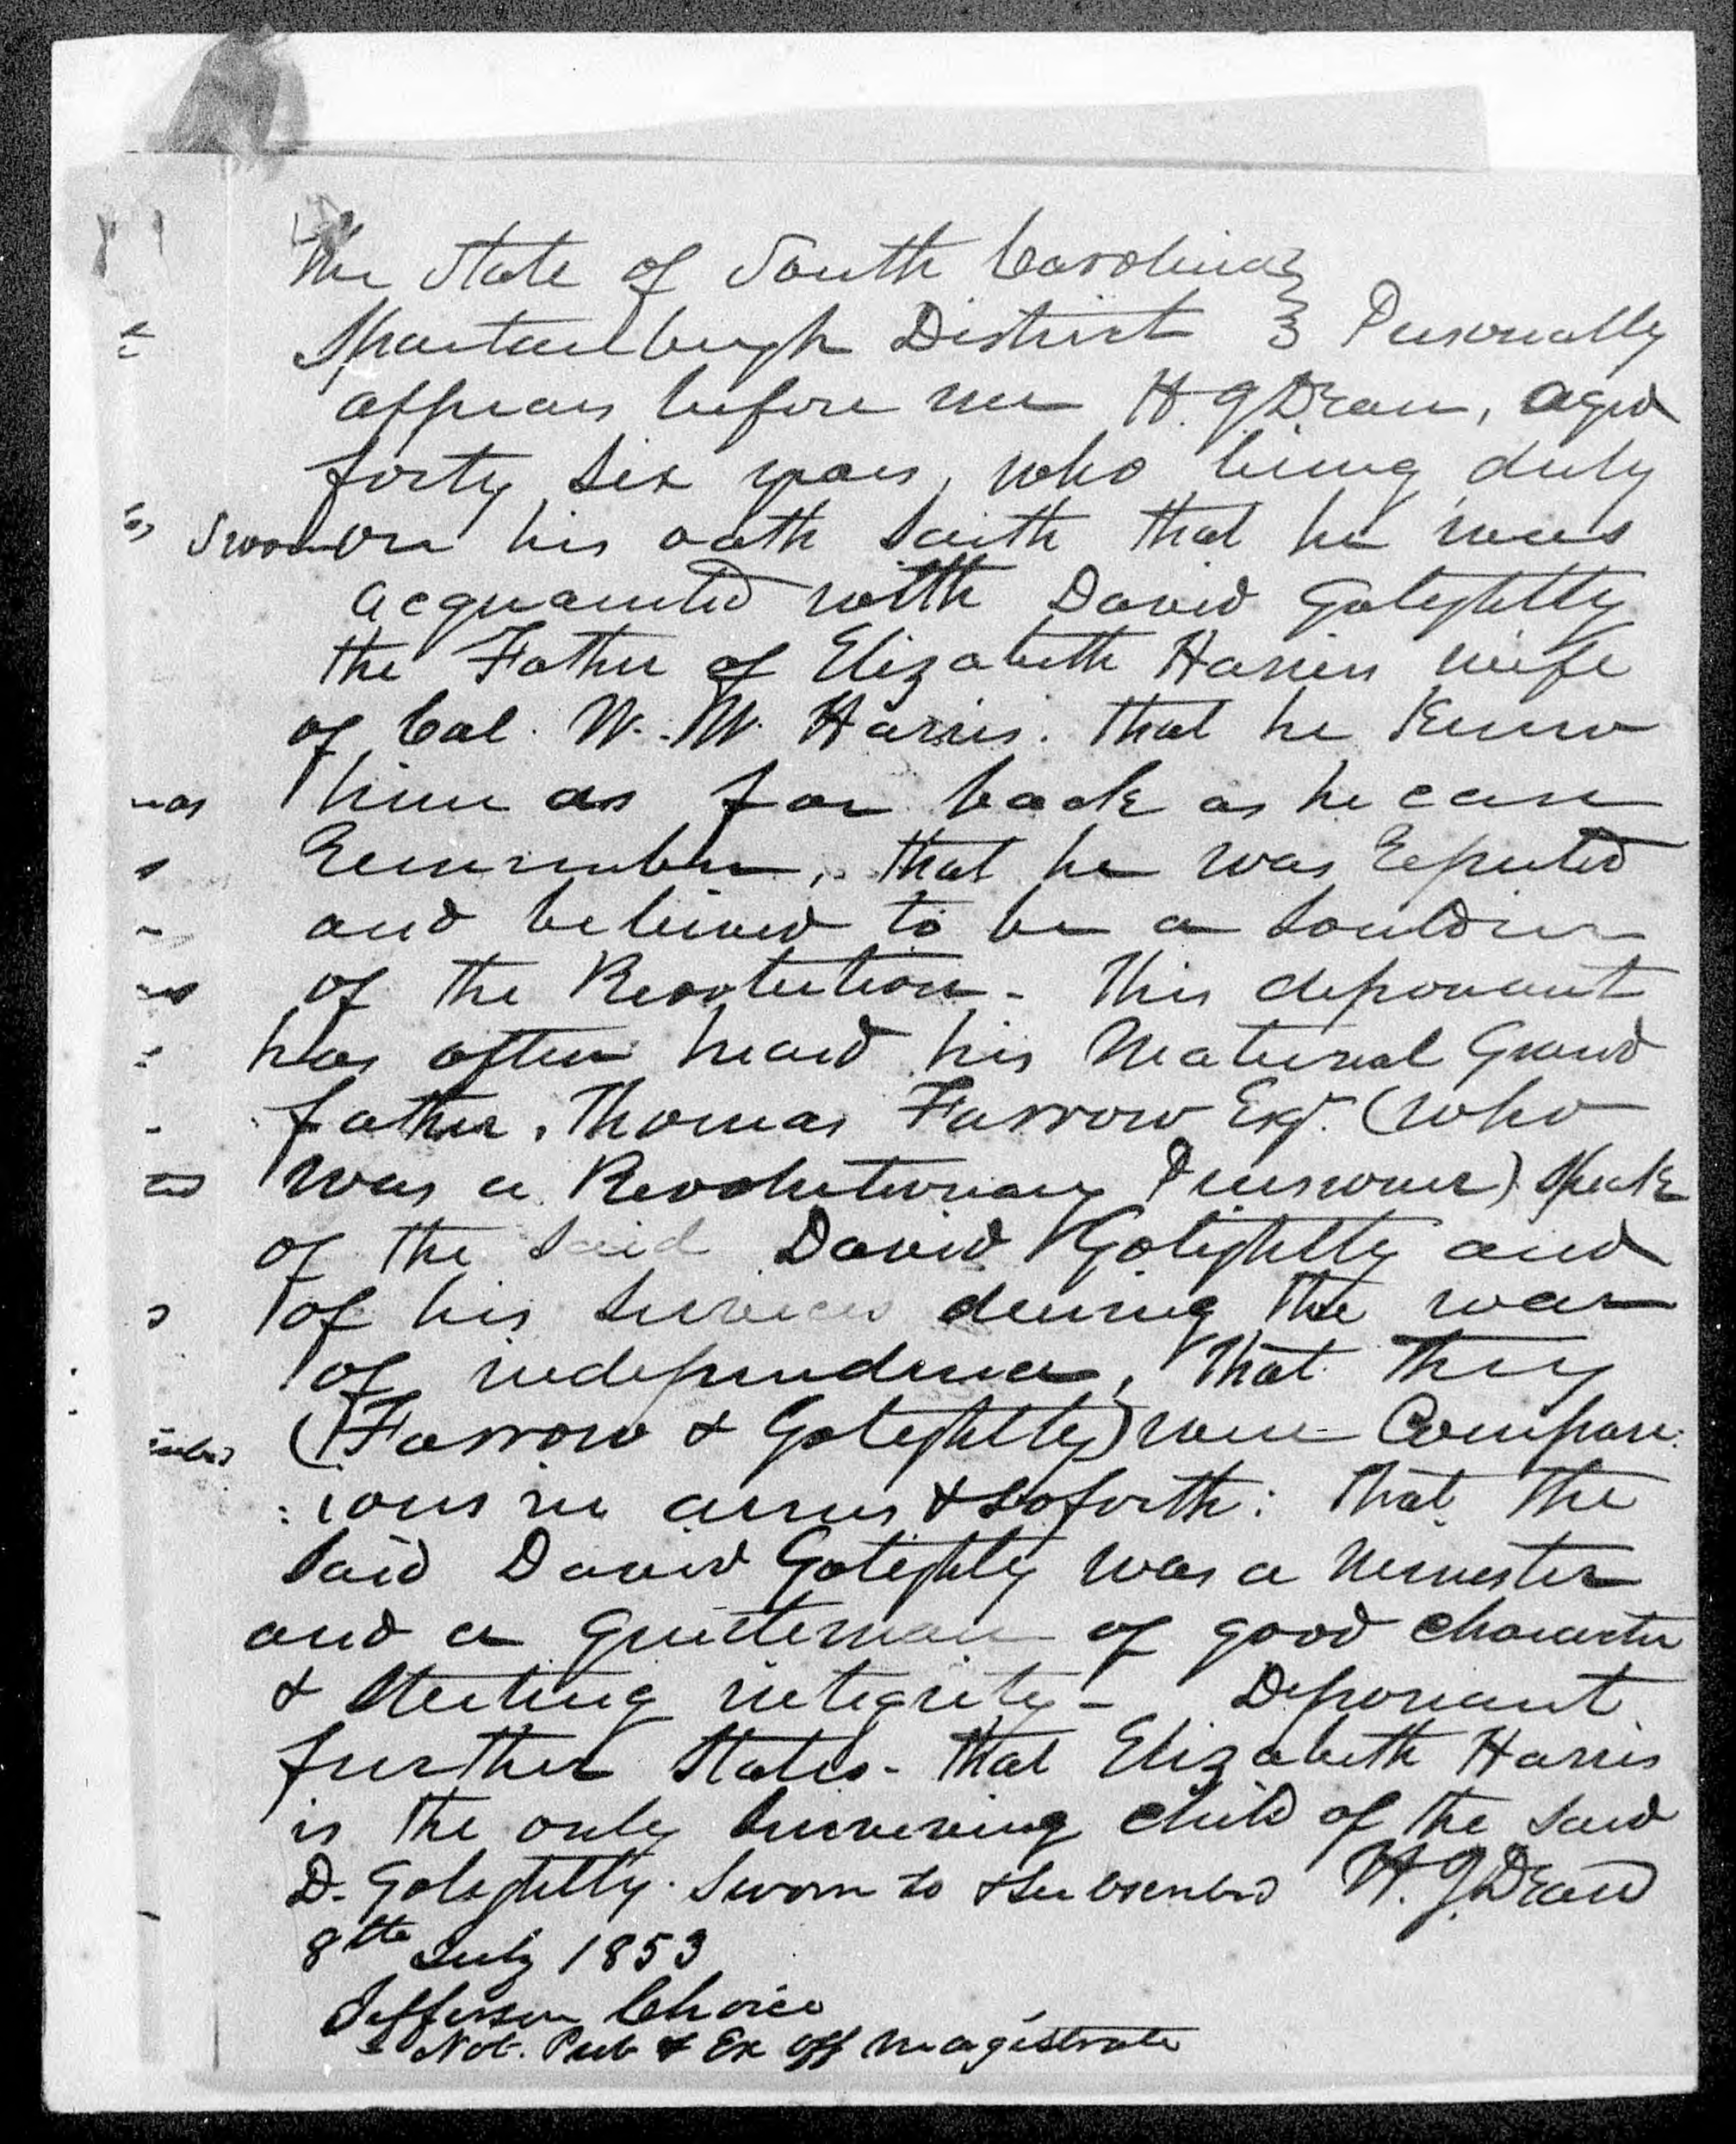The State of South Carolina
Spartanburgh District

  Personally appeared before me H.J. Dean, aged forty six years, who being duly sworn his oath saith that he was acquainted with David Golightly the Father of Elizabeth Harris wife of Col. W.W. Harris; that he knew him as far back as he can remember, that he was reputed and believed to be a soldier of the Revolution.  This deponent has often heard his Natural Grandfather, Thomas Farrow Esq. (who was a Revolutionary Pensioner) speak of the said David Golightly and of his services during the War of Independence, that they (Farrow and Golightly) were companions in arms & so forth.  That the said David Golightly was a minister and a gentleman of good character & sterling integrity.  Deponent further states that Elizabeth Harris is the only surviving child of said D. Golightly.
    H.J. Dean

   Sworn to & subscribed 8th July 1853. 
Jefferson Choice
Not. Pub & Ex Off Magistrate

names: David Golightly, David Golightly, Elizabeth Harriss, Golightly, Thomas Farrow, H J Dean, D Golightly, Farrow, H J Dean, Jefferson Choice, David Golighty, W W Harris, Elizabeth Harris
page: 55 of 57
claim: survivor's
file: S. 18888, David Golightly, S.C.